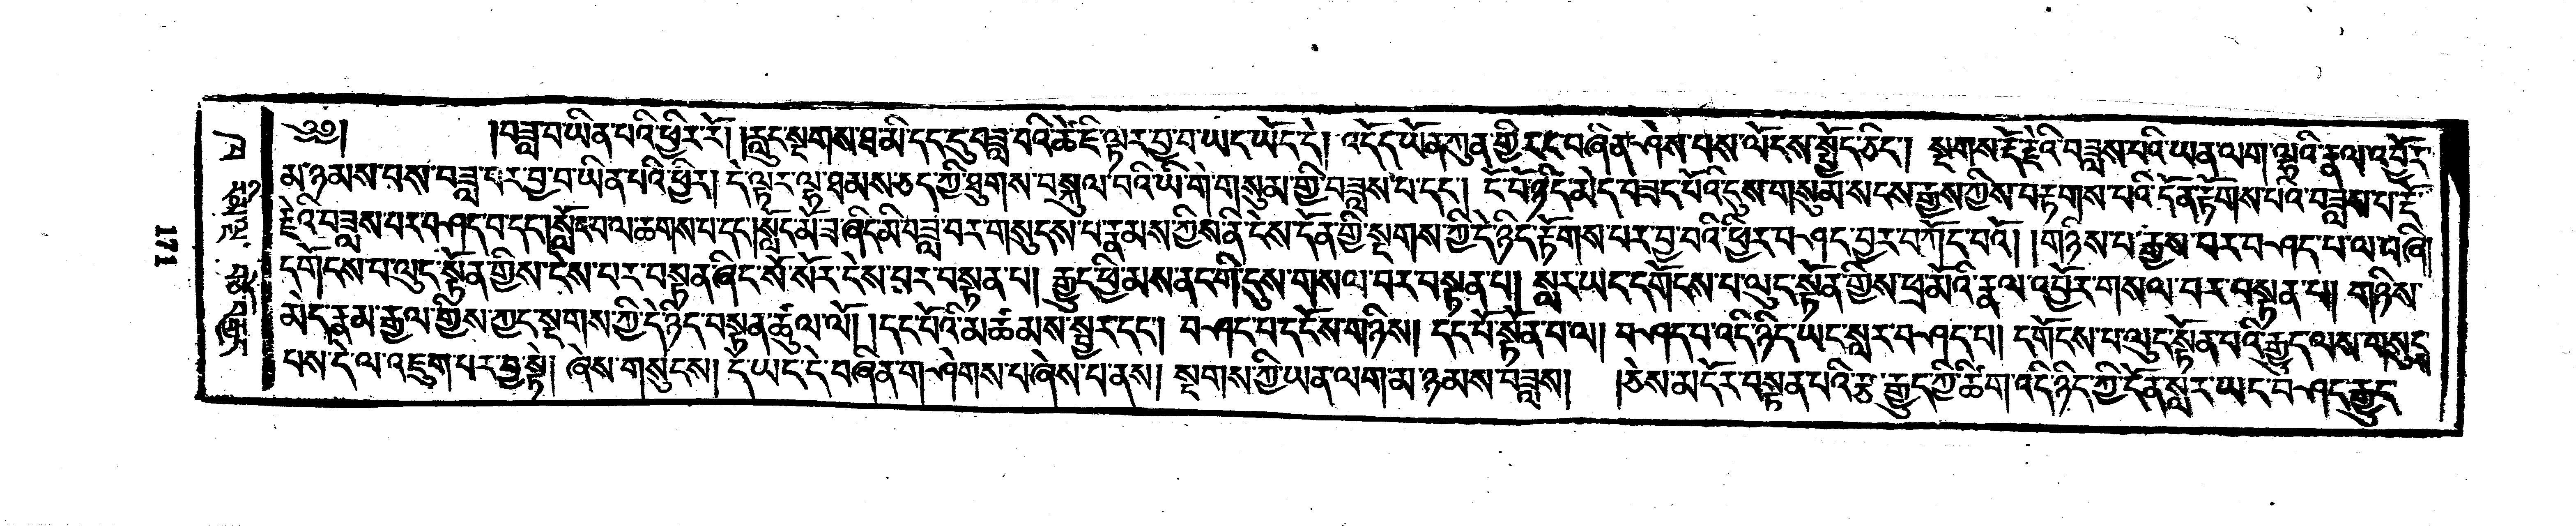༄༅། །བཟླ་བ་ཡིན་པའི་ཕྱིར་རོ། །རླུང་སྔགས་ཐ་མི་དད་དུ་བཟླ་བའི་ཚེ་ཇི་ལྟར་བྱ་བ་ཡང་ཡོད་དེ། འདོད་ཡོན་ཀུན་གྱི་རང་བཞིན་ཤེས་པས་ལོངས་སྤྱོད་ཅིང་། སྔགས་རྡོ་རྗེའི་བཟླས་པའི་ཡན་ལག་ལྷའི་རྣལ་འབྱོར་
མ་ཉམས་པས་བཟླ་བར་བྱ་བ་ཡིན་པའི་ཕྱིར། དེ་ལྟར་ལྷ་ཐམས་ཅད་ཀྱི་ཐུགས་བསྐུལ་བའི་ཡི་གེ་གསུམ་གྱི་བཟླས་པ་དང་། ངོ་བོ་ཉིད་མེད་བཟང་པོའི་དུས་གསུམ་སངས་རྒྱས་ཀྱིས་བརྟགས་པའི་དོན་རྟོགས་པའི་བཟླས་པ་རྡོ་
རྗེའི་བཟླས་པར་བཤད་པ་དང་། སློང་བ་ལ་ཆགས་པ་དང་། སློང་མོ་ཟ་ཞིང་མི་བཟླ་བར་གསུངས་པ་རྣམས་ཀྱིས་ནི་ངེས་དོན་གྱི་སྔགས་ཀྱི་དེ་ཉིད་རྟོགས་པར་བྱ་བའི་ཕྱིར་བཤད་བྱར་བཀོད་པའོ། །གཉིས་པ་རྒྱས་པར་བཤད་པ་ལ་བཞི།
དགོངས་པ་ལུང་སྟོན་གྱིས་ངེས་པར་བསྟན་ཞིང་སོ་སོར་ངེས་པར་བསྟན་པ། རྒྱུད་ཕྱི་མས་ནང་གི་དུས་གསལ་བར་བསྟན་པ། སླར་ཡང་དགོངས་པ་ལུང་སྟོན་གྱིས་ཕྲ་མོའི་རྣལ་འབྱོར་གསལ་བར་བསྟན་པ། གཉིས་
མེད་རྣམ་རྒྱལ་གྱིས་ཀྱང་སྔགས་ཀྱི་དེ་ཉིད་བསྟན་ཚུལ་ལོ། །དང་པོའི་མཚམས་སྦྱར་དང་། བཤད་པ་དངོས་གཉིས། དང་པོ་སྟོན་པ་ལ། བཤད་པ་འདི་ཉིད་ཡང་སླར་བཤད་པ། དགོངས་པ་ལུང་སྟོན་པའི་རྒྱུད་ལས་གསུངས་
པས་དེ་ལ་འཇུག་པར་བྱ་སྟེ། ཞེས་གསུངས། དེ་ཡང་དེ་བཞིན་གཤེགས་པ་ཞེས་པ་ནས། སྔགས་ཀྱི་ཡན་ལག་མ་ཉམས་བཟླས། །ཅེས་མདོར་བསྟན་པའི་རྩ་རྒྱུད་ཀྱི་ཚིག་འདི་ཉིད་ཀྱི་དོན་སླར་ཡང་བཤད་རྒྱུད་